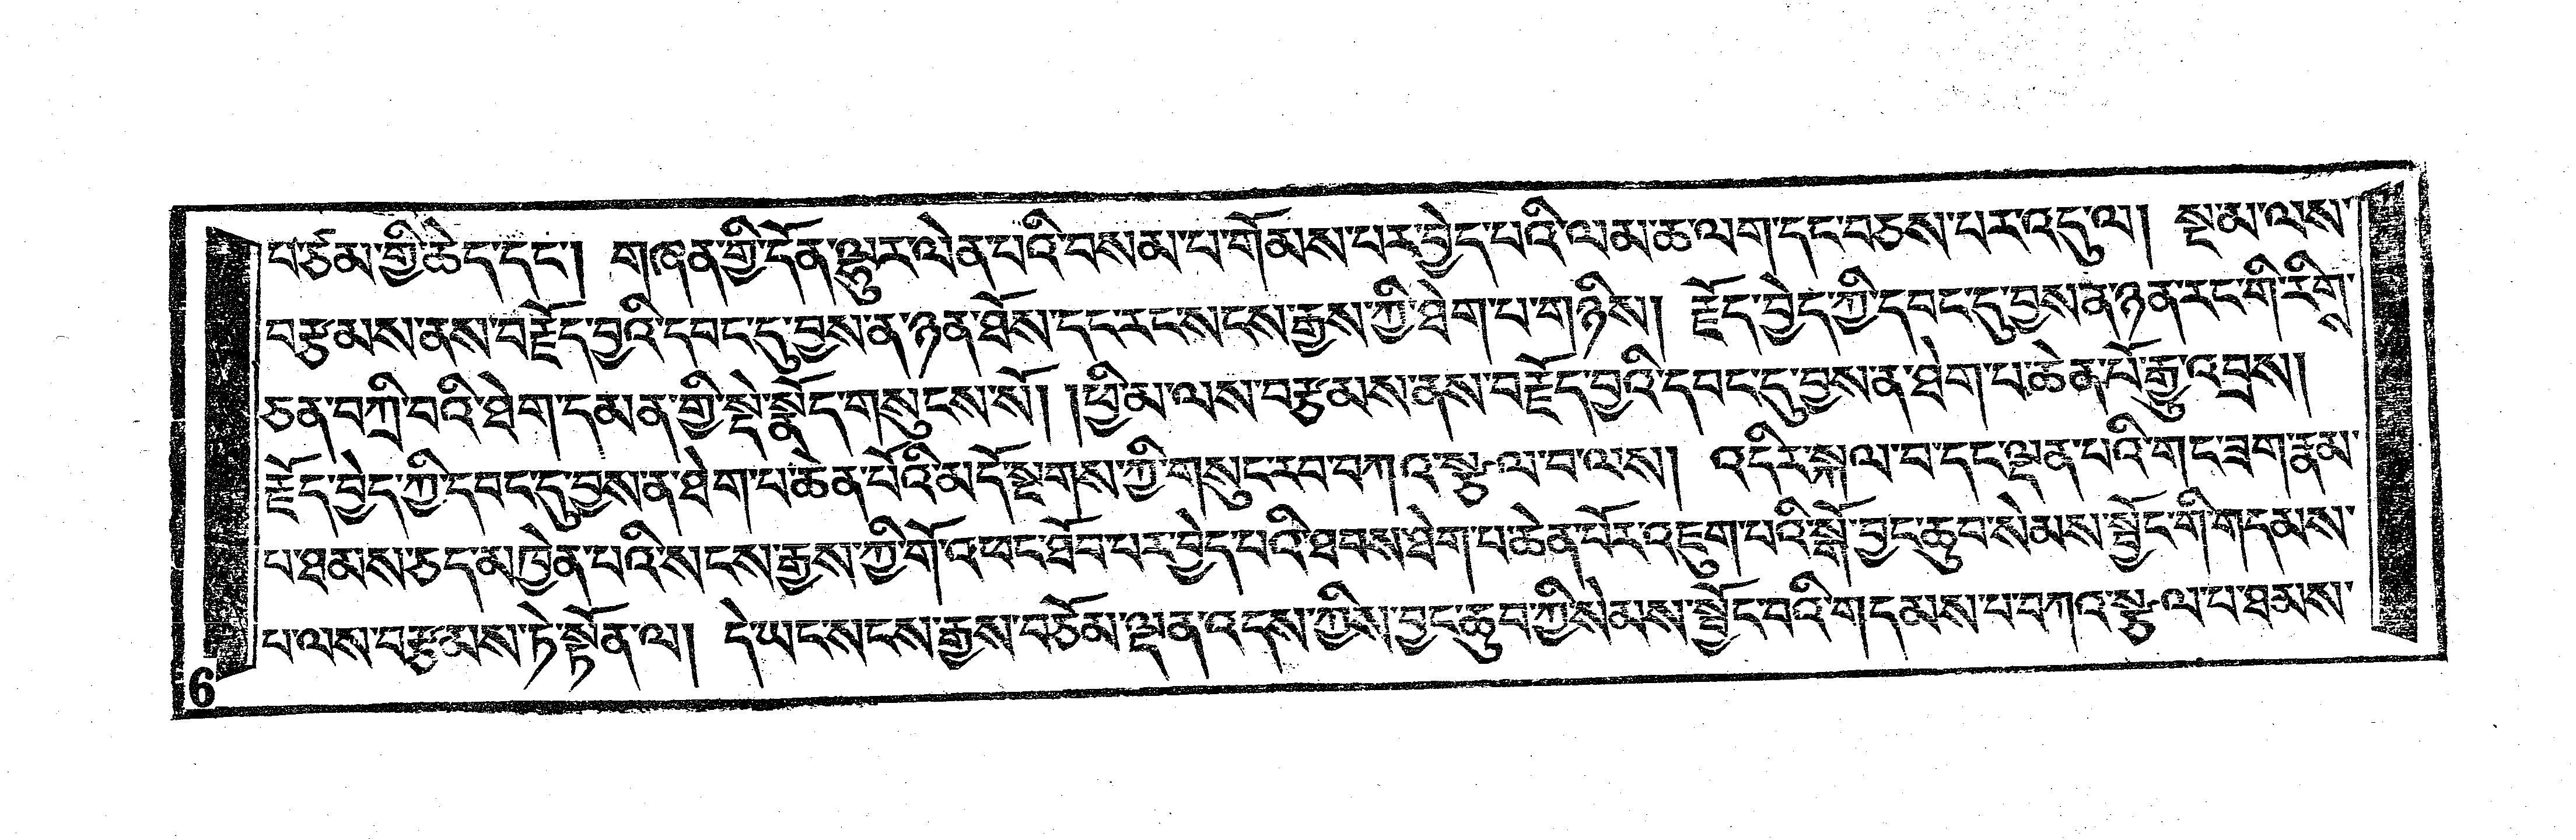པ་ཙམ་གྱི་ཆེད་དང་། གཞན་གྱི་དོན་ལྷུར་ལེན་པའི་བསམ་པ་གོམས་པར་བྱེད་པའི་ལམ་ཆ་ལག་དང་བཅས་པར་འདུ་ལ། སྔ་མ་ལས་
བརྩམས་ནས་བརྗོད་བྱའི་དབང་དུ་བྱས་ན་ཉན་ཐོས་དང་རང་སངས་རྒྱས་ཀྱི་ཐེག་པ་གཉིས། རྗོད་བྱེད་ཀྱི་དབང་དུ་བྱས་ན་ཉན་རང་གི་རིགས་
ཅན་བཀྲི་བའི་ཐེག་དམན་གྱི་སྡེ་སྣོད་གསུངས་སོ། །ཕྱི་མ་ལས་བརྩམས་ནས་བརྗོད་བྱའི་དབང་དུ་བྱས་ན་ཐེག་པ་ཆེན་པོ་རྒྱུ་འབྲས།
རྗོད་བྱེད་ཀྱི་དབང་དུ་བྱས་ན་ཐེག་པ་ཆེན་པོའི་མདོ་སྔགས་ཀྱི་གསུང་རབ་བཀའ་སྩལ་བ་ལས། འདིར་སྐལ་བ་དང་ལྡན་པའི་གང་ཟག་རྣམ་
པ་ཐམས་ཅད་མཁྱེན་པའི་སངས་རྒྱས་ཀྱི་གོ་འཕང་ཐོབ་པར་བྱེད་པའི་ཐབས་ཐེག་པ་ཆེན་པོར་འཇུག་པའི་སྒོ་བྱང་ཆུབ་སེམས་སྦྱོང་གི་གདམས་
པ་ལས་བརྩམས་ཏེ་སྟོན་ལ། དེ་ཡང་སངས་རྒྱས་བཅོམ་ལྡན་འདས་ཀྱིས་བྱང་ཆུབ་ཀྱི་སེམས་སྦྱོང་བའི་གདམས་པ་བཀའ་སྩལ་པ་ཐམས་